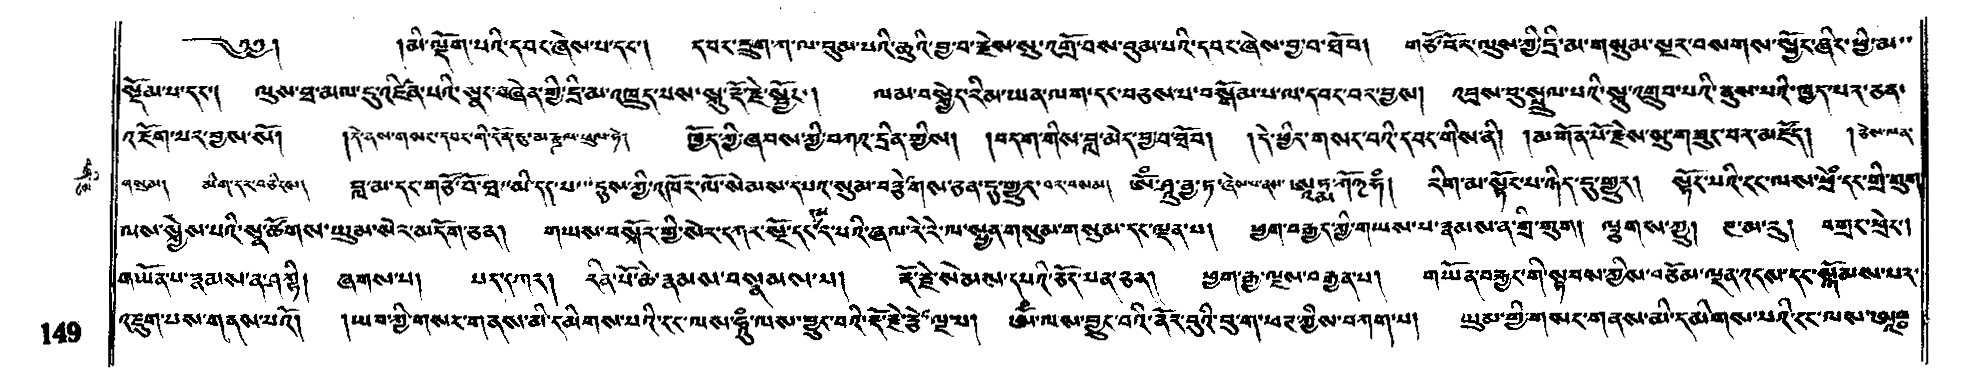༄༅། །མི་ལྡོག་པའི་དབང་ཞེས་པ་དང་། དབང་དྲུག་ཀ་ལ་བུམ་པའི་ཆུའི་བྱ་བ་རྗེས་སུ་འགྲོ་བས་བུམ་པའི་དབང་ཞེས་བྱ་བ་ཐོབ། གཙོ་བོར་ལུས་ཀྱི་དྲི་མ་གསུམ་སྔར་བསགས་སྦྱོང་ཞིང་ཕྱི་མ་
སྡོམ་པ་དང་། ལུས་ཐ་མལ་དུ་འཛིན་པའི་སྣང་བཞེན་གྱི་དྲི་མ་འཁྲུད་པས་སྐུ་རྡོ་རྗེ་སྦྱོང་། ལམ་བསྐྱེད་རིམ་ཡན་ལག་དང་བཅས་པ་བསྒོམ་པ་ལ་དབང་བར་བྱས། འབྲས་བུ་སྤྲུལ་པའི་སྐུ་འགྲུབ་པའི་ནུས་པའི་ཁྱད་པར་ཅན་
འཇོག་པར་བྱས་སོ། །དེ་ནས་གསང་དབང་གི་དོན་དུ་མཎྜལ་ཕུལ་ཏེ།  ཁྱོད་ཀྱི་ཞབས་ཀྱི་བཀའ་དྲིན་གྱིས། །བདག་གིས་བླ་མེད་བྱ་བ་ཐོབ། །དེ་ཕྱིར་གསང་བའི་དབང་གིས་ནི། །མགོན་པོ་རྗེས་སུ་གཟུང་བར་མཛོད། །ཅེས་ལན་
གསུམ། མིག་དར་བཅིངས། བླ་མ་དང་གཙོ་བོ་ཐ་མི་དད་པས་དུས་ཀྱི་འཁོར་ལོ་སེམས་དཔའ་སུམ་བརྩེགས་ཅན་དུ་གྱུར་བར་བསམ།  ཨོཾ་ཤཱུ་ནྱ་ཏ་ཞེས་པ་ནས་ཨཱཏྨ་ཀོཉཧཾ། རིག་མ་སྟོང་པ་ཉིད་དུ་གྱུར། སྟོང་པའི་ངང་ལས་ཕྲེཾ་དང་གྲི་གུག་
ལས་སྐྱེས་པའི་སྣ་ཚོགས་ཡུམ་སེར་མདོག་ཅན། གཡས་བསྐོར་གྱི་སེར་དཀར་སྔོ་དང་དམར་པའི་ཞལ་རེ་རེ་ལ་སྤྱན་གསུམ་གསུམ་དང་ལྡན་པ། ཕྱག་བརྒྱད་ཀྱི་གཡས་པ་རྣམས་ན་གྲི་གུག། ལྕགས་ཀྱུ། ཊ་མ་རུ། བགྲང་ཕྲེང་།
གཡོན་པ་རྣམས་ན་ཤཀྟི། ཞགས་པ། པད་དཀར། རིན་པོ་ཆེ་རྣམས་བསྣམས་པ། རྡོ་རྗེ་སེམས་དཔའི་ཅོད་པན་ཅན། ཕྱག་རྒྱ་ལྔས་བརྒྱན་པ། གཡོན་བརྐྱང་གི་སྟབས་ཀྱིས་བཅོམ་ལྡན་འདས་དང་སྙོམས་པར་
འཇུག་པས་གནས་པའོ། །ཡབ་ཀྱི་གསང་གནས་མི་དམིགས་པའི་ངང་ལས་ཧཱུཾ་ལས་བྱུང་བའི་རྡོ་རྗེ་རྩེ་ལྔ་པ། ཨོཾ་ལས་བྱུང་བའི་ནོར་བུའི་བུ་ག་ཕཊ་ཀྱིས་བཀག་པ། ཡུམ་གྱི་གསང་གནས་མི་དམིགས་པའི་ངང་ལས་ཨཱཿ